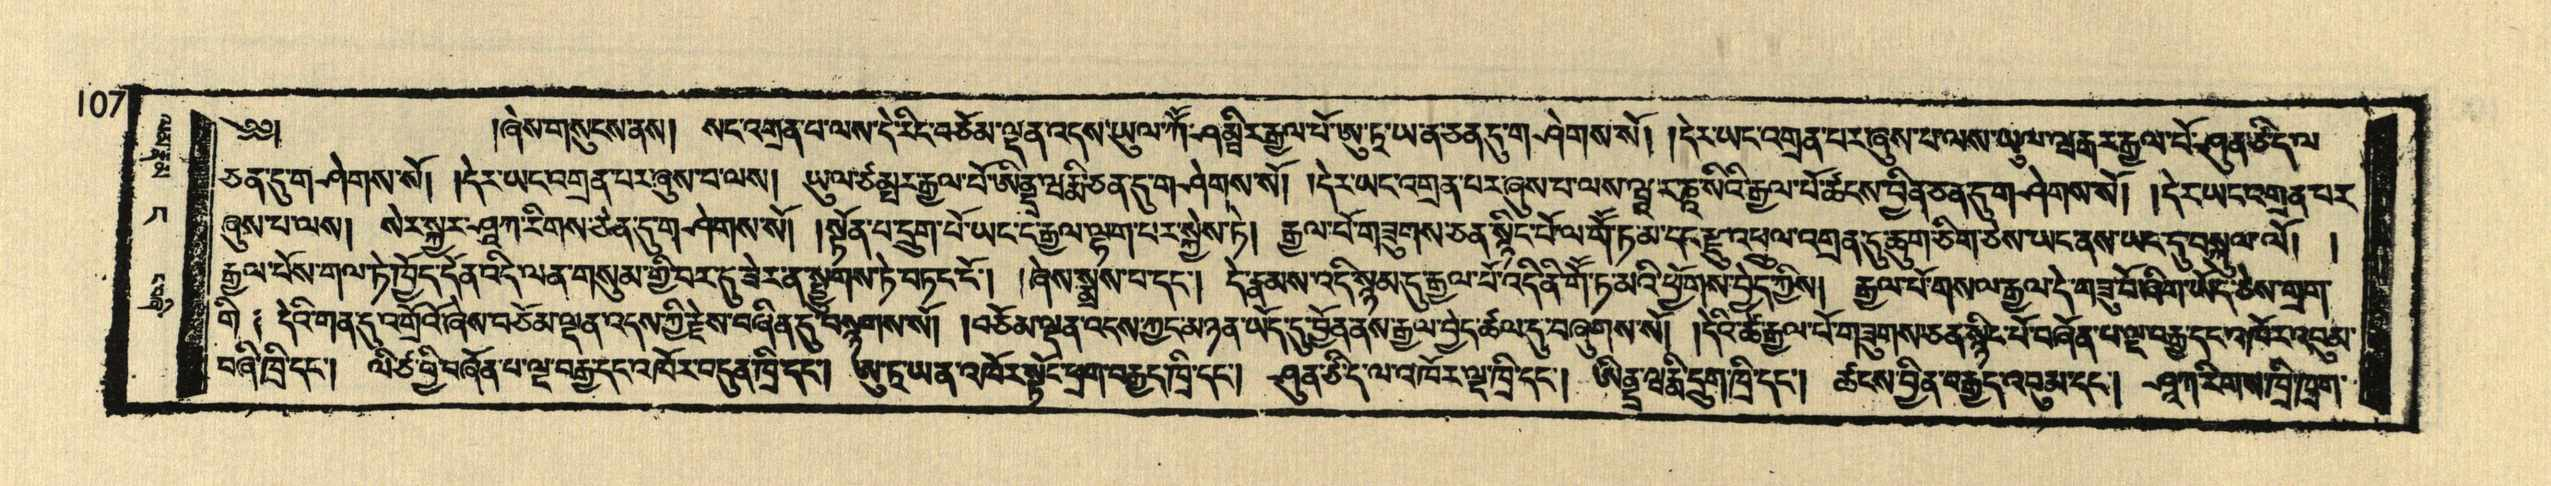༄༅། །ཞེས་གསུངས་ནས། སང་འགྲན་པ་ལས་དེ་རིང་བཅོམ་ལྡན་འདས་ཡུལ་ཀཽ་ཤམྦིར་རྒྱལ་པོ་ཨུ་ཏྲ་ཡ་ན་ཅན་དུ་གཤེགས་སོ། །དེར་ཡང་འགྲན་པར་ཞུས་པ་ལས་ཡུལ་ཝརྒར་རྒྱལ་པོ་ཤུན་ཙིད་ལ་
ཅན་དུ་གཤེགས་སོ། །དེར་ཡང་འགྲན་པར་ཞུས་བ་ལས། ཡུལ་ཙམ་པར་རྒྱལ་པོ་ཨིནྡྲ་ཝ་རྨི་ཅན་དུ་གཤེགས་སོ། །དེར་ཡང་འགྲན་པར་ཞུས་པ་ལས་ཝཱ་ར་ཎཱ་སིའི་རྒྱལ་པོ་ཚངས་བྱིན་ཅན་དུ་གཤེགས་སོ། །དེར་ཡང་འགྲན་པར་
ཞུས་པ་ལས། སེར་སྐྱར་ཤཱཀ་རིགས་ཅེན་དུ་གཤེགས་སོ། །སྟོན་པ་དྲུག་པོ་ཡང་ང་རྒྱལ་ལྷག་པར་སྐྱེས་ཏེ། རྒྱལ་པོ་གཟུགས་ཅན་སྙིང་པོ་ལ་གཽ་ཏ་མ་དང་རྫུ་འཕྲུལ་འགྲན་དུ་ཆུག་ཅིག་ཅེས་ཡང་ནས་ཡང་དུ་བསྐུལ་ལོ། །
རྒྱལ་པོས་གལ་ཏེ་ཁྱོད་དོན་འདི་ལན་གསུམ་གྱི་བར་དུ་ཟེར་ན་སྤྱུགས་ཏེ་བཏང་ངོ། །ཞེས་སྨྲས་པ་དང་། དེ་རྣམས་འདི་སྙམ་དུ་རྒྱལ་པོ་འདི་ནི་གཽ་ཏ་མའི་ཕྱོགས་བྱེད་ཀྱིས། རྒྱལ་པོ་གསལ་རྒྱལ་དེ་གཟུ་བོ་ཞིག་ཡོད་ཅེས་གྲག་
གི ༑ དེའི་གན་དུ་འགྲོའོ་ཞེས་བཅོམ་ལྡན་འདས་ཀྱི་རྗེས་བཞིན་དུ་བསྙགས་སོ། །བཅོམ་ལྡན་འདས་ཀྱང་མཉན་ཡོད་དུ་བྱོན་ནས་རྒྱལ་བྱེད་ཚལ་དུ་བཞུགས་སོ། །དེའི་ཚེ་རྒྱལ་པོ་གཟུགས་ཅན་སྙིང་པོ་བཞོན་པ་ལྔ་བརྒྱ་དང་འཁོར་འབུམ་
བཞི་ཁྲི་དང་། ལི་ཙ་བྱ་བཞོན་པ་ལྔ་བརྒྱ་དང་འཁོར་བདུན་ཁྲི་དང་། ཨུ་ཏྲ་ཡན་འཁྲོ་སྟོང་ཕྲག་བརྒྱད་ཁྲི་དང་། ཤུན་ཙི་ད་ལ་འཁོར་ལྔ་ཁྲི་དང་། ཨིནྡྲ་ཝར་མི་དྲུག་ཁྲི་དང་། ཚངས་བྱིན་བརྒྱད་འབུམ་དང་། ཤཱཀ་རིགས་ཁྲི་ཁྲག་